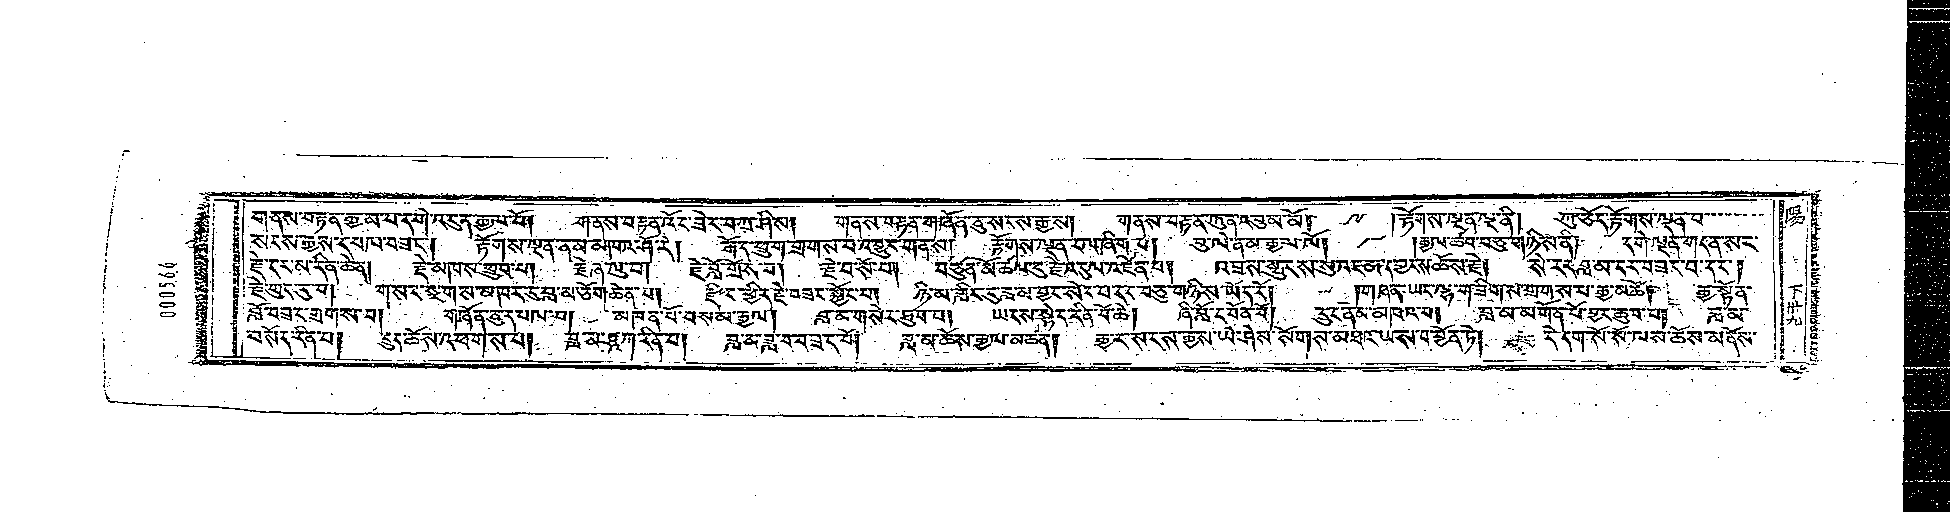གནས་བརྟན་རྒྱ་མ་པ་དགེ་འདུན་རྒྱལ་པོ། གནས་བརྟན་འོད་ཟེར་བཀྲ་ཤིས། གནས་བརྟན་གཞོན་ནུ་སངས་རྒྱས། གནས་བརྟན་ཀུན་འབུམ་མོ། ༧་།རྟོགས་ལྡན་ལྔ་ནི། ཀུ་ཅོར་རྟོགས་ལྡན་པ་
སངས་རྒྱས་དཔལ་བཟང་། རྟོགས་ལྡན་ནམ་མཁའ་ཤོ་རེ། རྒོད་ཕྲུག་གྲགས་པ་འབྱུང་གནས། རྟོགས་ལྡན་རལ་ཞིག་པ། བུ་ལེ་ནམ་རྒྱལ་ལོ། ༧་།རྒྱལ་ཚབ་བཅུ་གཉིས་ནི། དགེ་ལྡན་གདན་སར་
རྗེ་དང་མ་རིན་ཆེན། རྗེ་མཁས་གྲུབ་པ། རྗེ་ཞ་ལུ་བ། རྗེ་བློ་གྲོས་བ། རྗེ་བ་སོ་པ། བཙུན་མོ་ཚལ་དུ་རྗེ་འདུལ་འཛིན་པ། འབྲས་སྤུངས་སུ་འཇམ་དབྱངས་ཆོས་རྗེ། སེ་རང་བླ་མ་དང་བཟང་བ་དང་།
རྗེ་གུང་རུ་བ། གསང་སྔགས་མཁར་དུ་བླ་མ་ཅོག་ཆེན་པ། རྫིང་ཕྱིར་རྗེ་བཟང་སྐྱོང་པ། ཉི་མ་གླིང་དུ་བླ་མ་བྱང་སེང་པ་དང་བཅུ་གཉིས་ཡོད་དོ། །གཞན་ཡང་ལྷ་གཟིགས་གྲགས་པ་རྒྱ་མཚོ། རྒྱ་སྟོན་
བློ་བཟང་གྲགས་པ། གཞོན་ནུ་དཔལ་བ། མཁན་པོ་བསམ་རྒྱལ། བླ་མ་གསེར་ཐུབ་པ། ཡངས་སྟེང་རིན་པོ་ཆེ། ཞི་བློ་དབོན་བོ། དྲུང་ནམ་མཁའ་བ། བླ་མ་མགོན་པོ་བྱང་ཆུབ་པ། བླ་མ་
བསོད་རིན་པ། དྲུད་ཆོས་འཕགས་པ། བླ་མ་ཤཱཀ་རིན་བ། བླ་མ་ཟླ་བ་བཟང་པོ། བླ་མ་ཆོས་རྒྱལ་མཚན། རྒྱ་ར་སངས་རྒྱས་ཡེ་ཤེས་སོགས་མཐའ་ཡས་པ་བྱོན་ཏེ། དེ་དག་སོ་སོ་ལས་ཆོས་མནོས་